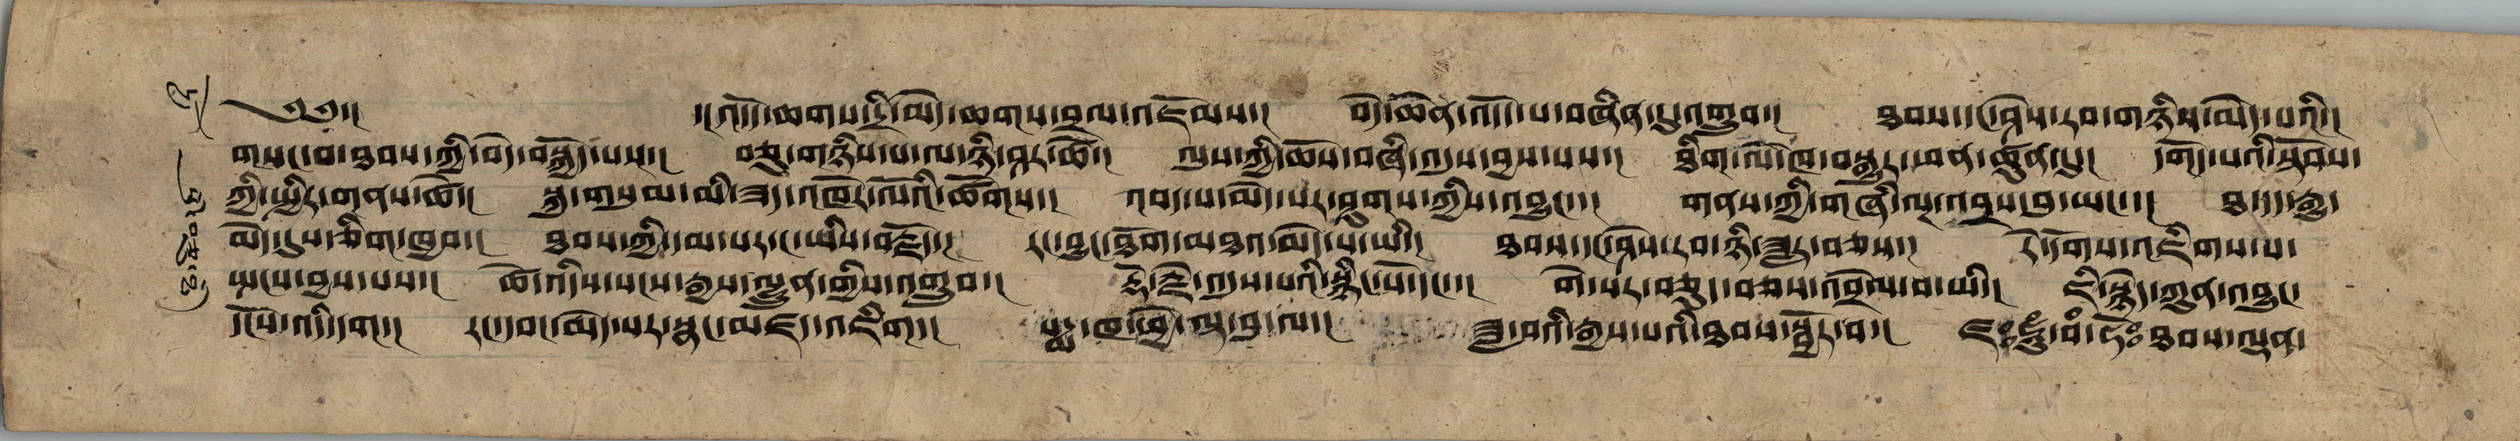༄༅་། ་།འདོད་ཆགས་དྲི་མེད་ཆགས་བྲལ་འཇོམས་། བདེ་ཆེན་འདོད་པ་བཞིན་དུ་འགྲུབ་། ཐབས་དང་ཤེས་རབ་གཉིས་མེད་པའི་།
གསང་བ་ཐབས་ཀྱི་བདེ་བསྐྱོད་པས་། བཅུ་གཉིས་པ་ལ་ཉི་ཤར་ཚེ་། ལུས་ཀྱི་ཆོས་བཞི་འདུས་བྱས་པས་། ཐིག་ལེ་ཁ་བསྒྱུར་ཕན་ཚུན་དུ་། དགོད་པའི་སྟོབས་
ཀྱི་སྤྱིར་གནས་ཚེ་། སྐུ་གསུམ་མི་ཟད་འཁོར་ལོའི་ཚོགས་། འབད་པ་མེད་པར་ཤུགས་ཀྱིས་འབྱུང་་། གནས་ཀྱི་གཞི་ལྔ་འབྲས་བུ་ཡང་་། ཐ་དད་རྒྱུ་
མེད་དུས་ཅིག་ཁྱབ་། ཐབས་ཀྱི་དམ་པར་ང་ཡིས་བརྗོད་། རང་བྱུང་ཐོག་མཐའ་མེད་པ་ཡི་། ཐབས་དང་ཤེས་རབ་ཉི་ཟླར་བཅས་། རེ་དོགས་འཇིགས་པ་
སྤངས་བྱས་པས་། ཚེ་འདིས་སངས་རྒྱས་ལྷུན་གྱིས་འགྲུབ་། རྡོ་རྗེ་འདུས་པའི་སྙིང་པོ་དང་་། གེ་སར་བཅུད་བཅས་འབྲེལ་བ་ཡི་། ཇི་སྙེད་ཀུན་འབྱུང་
དངོས་འདི་དག་། རང་དབང་མེད་པར་སྣང་མཛད་འཇིག་། པདྨ་ཁ་ཕྱེ་ལྟ་བུ་ལ་། ཟླ་བའི་རྒྱས་པའི་ཐབས་སྦྱོར་བ་། ཛཿཧཱུཾ་བཾ་ཧོཿཐབས་ལྡན་